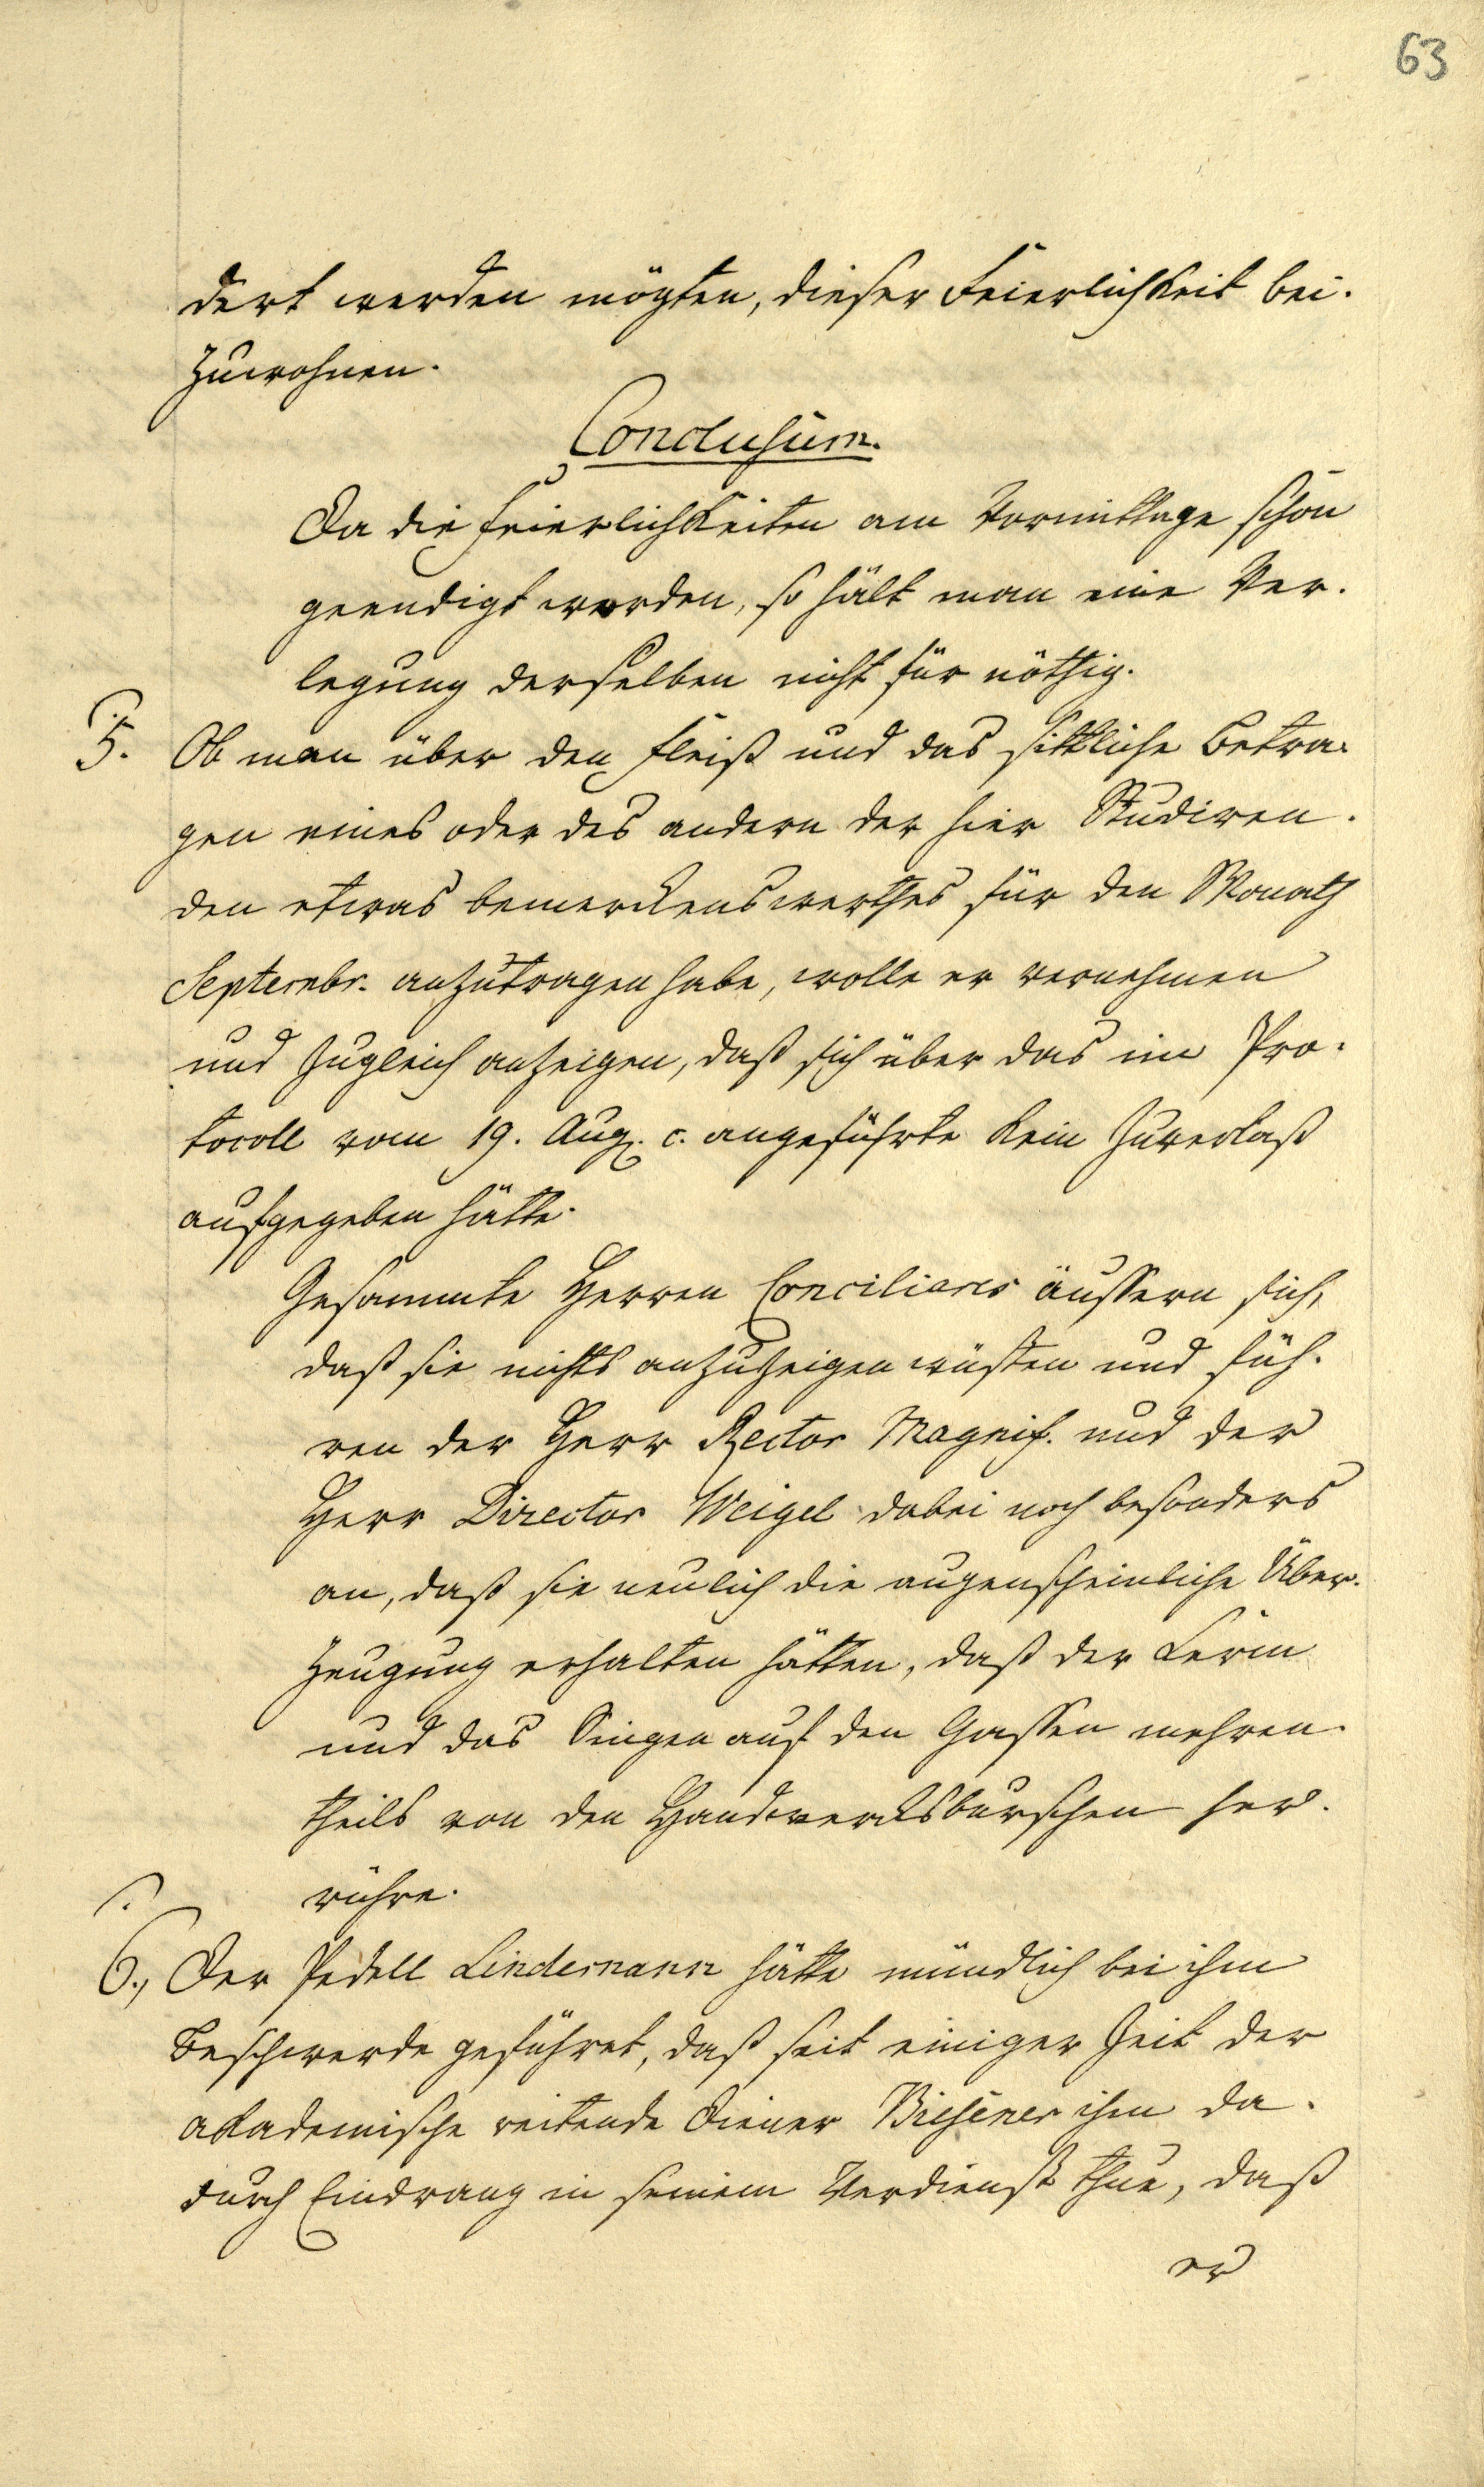dert werden mögten, dieser Feierlichkeit bei¬
zuwohnen.
Conclusum
Da die Feierlichkeiten am Vormittage schon
geendigt werden, so hält man eine Ver¬
legung derselben nicht für nöthig.
5. Ob man über den Fleiß und das sittliche Betra¬
gen eines oder des andern der hier Studiren¬
den etwas bemerckens werthes für den Monath
Septembr. anzufragen habe, wolle er vernehmen
und zugleich anzeigen, daß sich über das im Pro¬
tocoll vom 19. Aug. c. angeführte kein Zuverlaß
aufgegeben hätte.
Gesammte Herren Conciliares äussern sich,
daß sie nichts anzuzeigen wüßten und füh¬
ren der Herr Rector Magnif. und der
Herr Director Weigel dabei noch besonders
an, daß sie nemlich die augenscheinliche Über¬
zeugung erhalten hätten, daß der Lerm
und das Singen auf den Gassen mehren¬
theils von den Handwerksburschen her¬
rühre.
6., Der Pedell Lindemann hätte mündlich bei ihm
Beschwerde geführet, daß seit einiger Zeit der
akademische reitende Diener Biesener ihm da¬
durch Eindrang in seinem Verdienst thue, daß
er